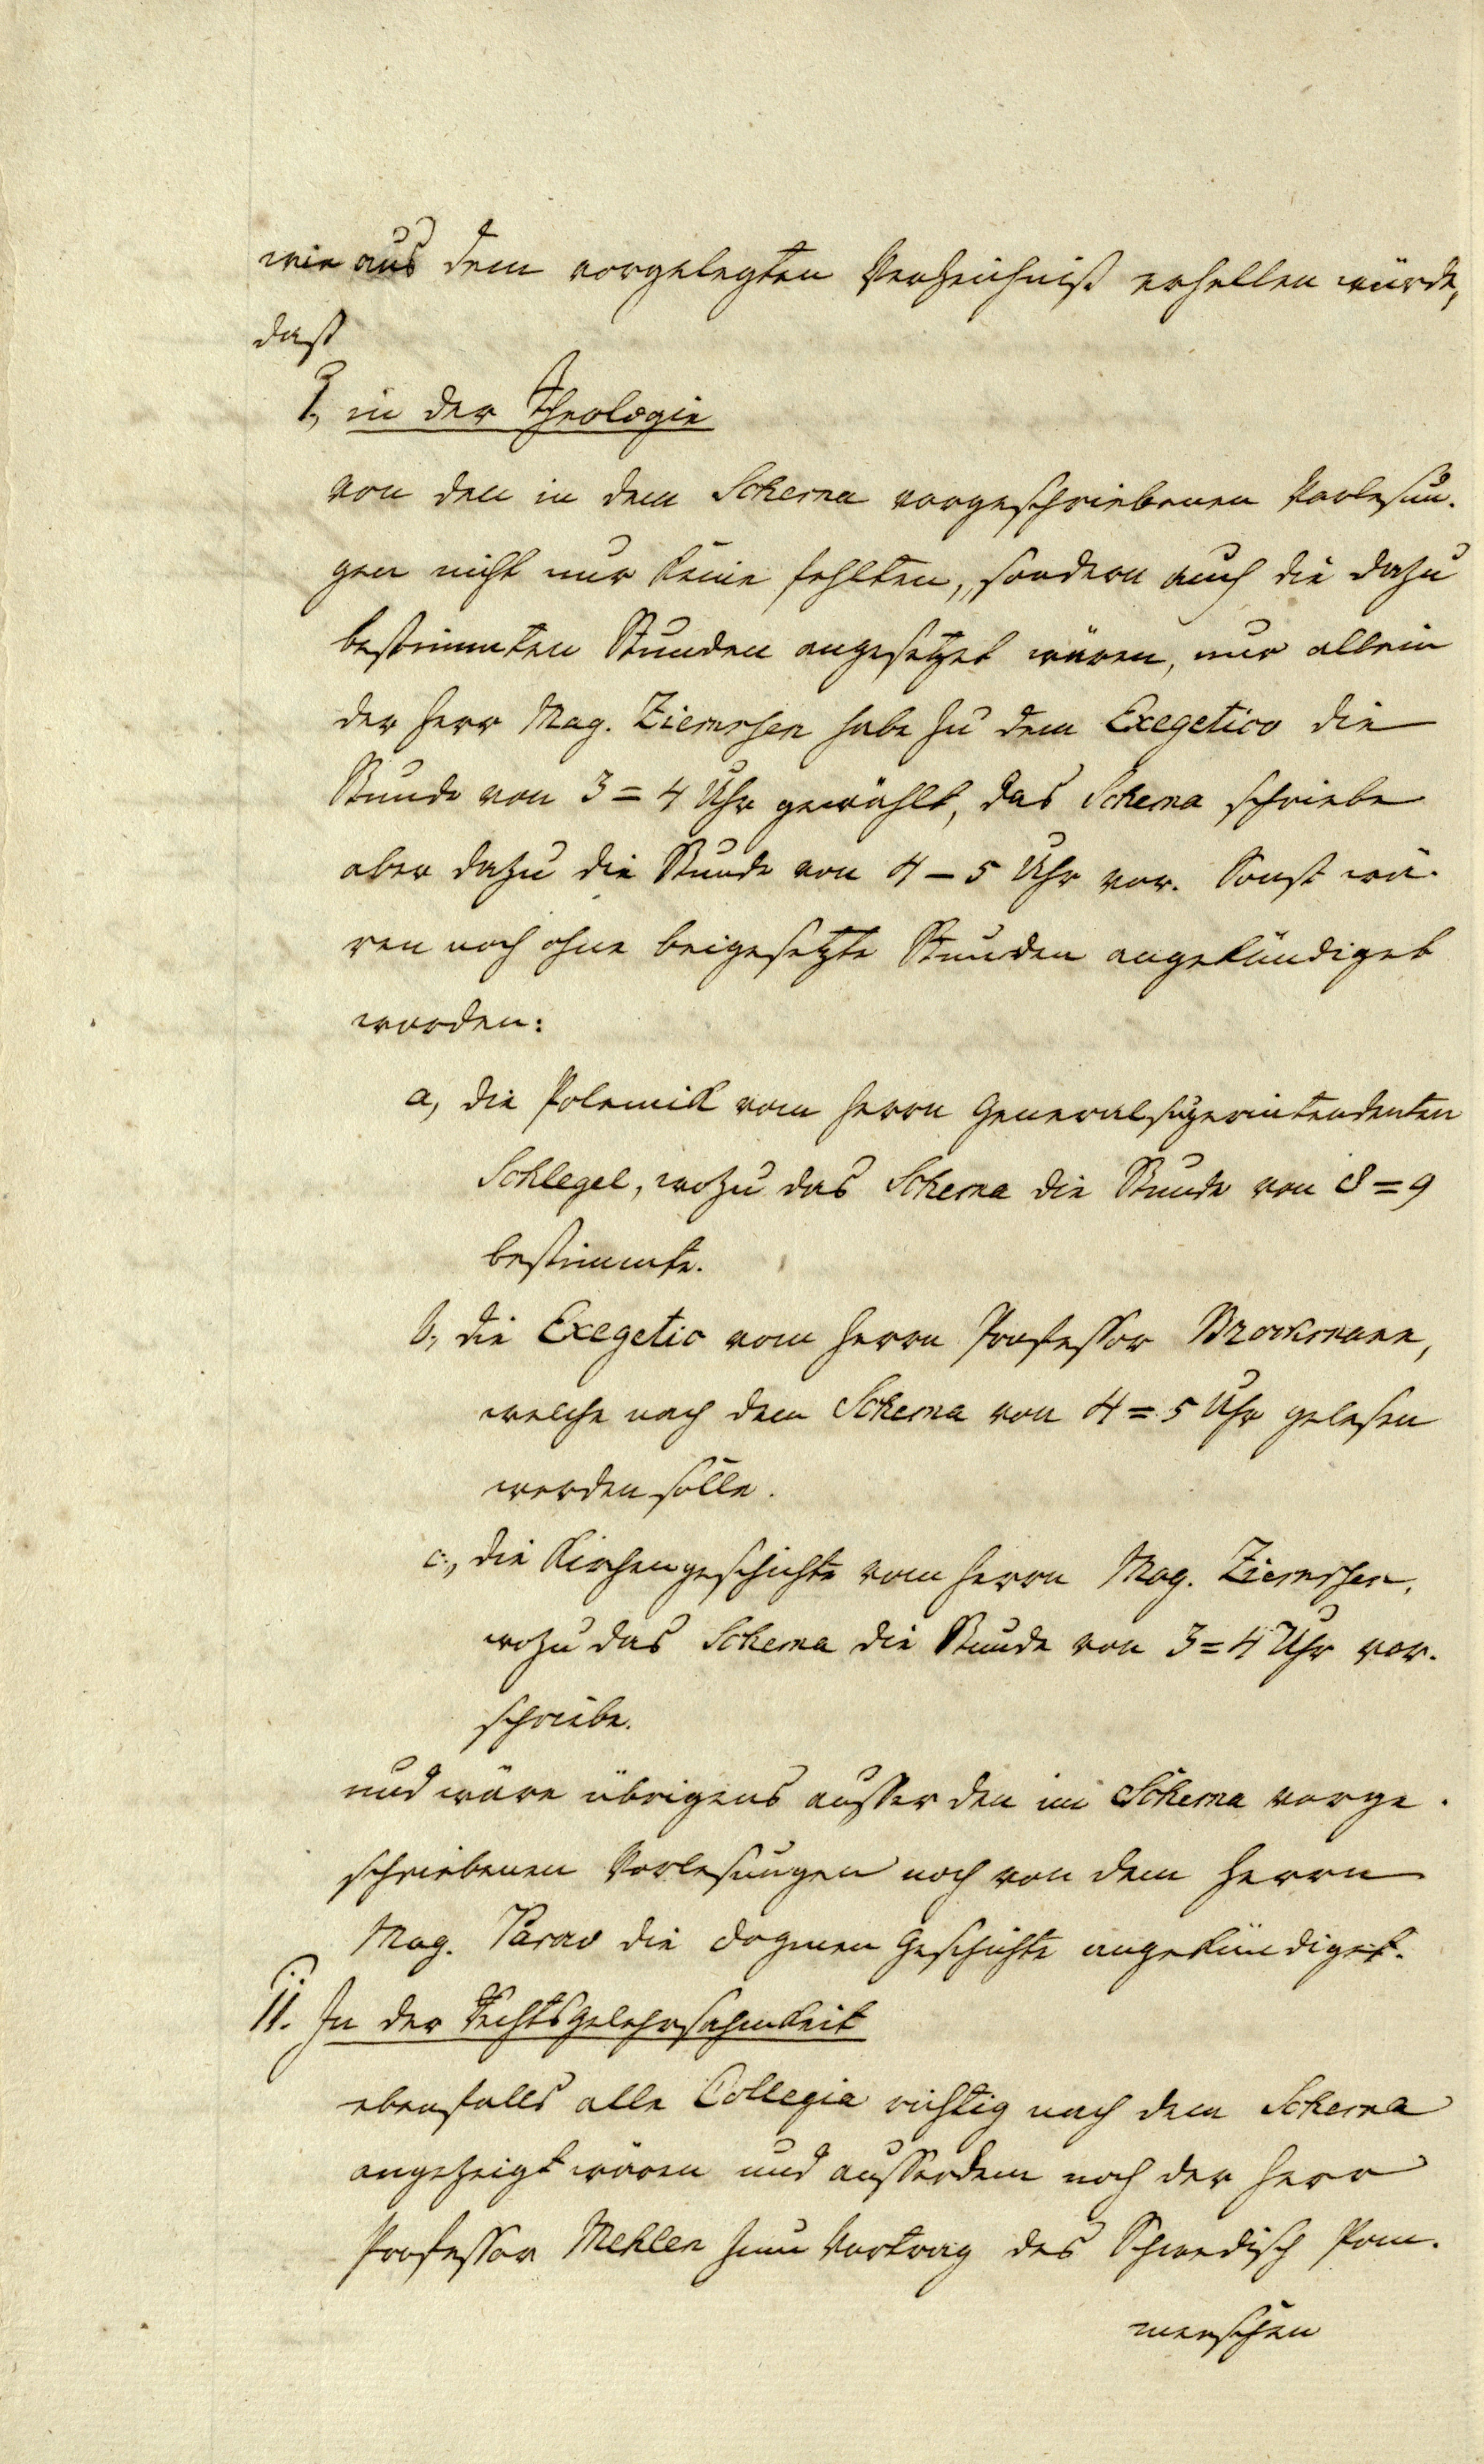wie aus dem vorgelegten Verzeichniß erhellen würde,
daß
I., in der Theologie
von den in dem Schema vorgeschriebenen Vorlesun¬
gen nicht nur keine fehlten, sondern auch die dazu
bestimmten Stunden angesetzet wären, nur allein
der herr Mag. Ziemssen habe zu dem Exegetico die
Stunde von 3-4 Uhr gewählt, das Schema schriebe
aber dazu die Stunde von 4-5 Uhr vor. Sonst wä¬
ren noch ohne beigesetzte Stunden angekündiget
worden:
a, die Polemik vom herrn Generalsuperintendenten
Schlegel, wozu das Schema die Stunde von 8-9
bestimmte.
b. die Exegetic vom herrn Professor Brockmann,
welche nach dem Schema von 4-5 Uhr gelesen
werden solle.
c., die Kirchengeschichte vom herrn Mag. Ziemssen,
wozu das Schema die Stunde von 3-4 Uhr vor¬
schreibe.
und wäre übrigens außer den im Schema vorge¬
schriebenen Vorlesungen noch von dem herrn
Mag. Parow die Dogmen Geschichte angekündiget.
II. In der Rechtsgelehrsahmkeit
ebenfalls alle Collegia richtig nach dem Schema
angezeigt wären und ausserdem noch der herr
Professor Mehlen zum Vortrag des Schwedisch Pom¬
merschen